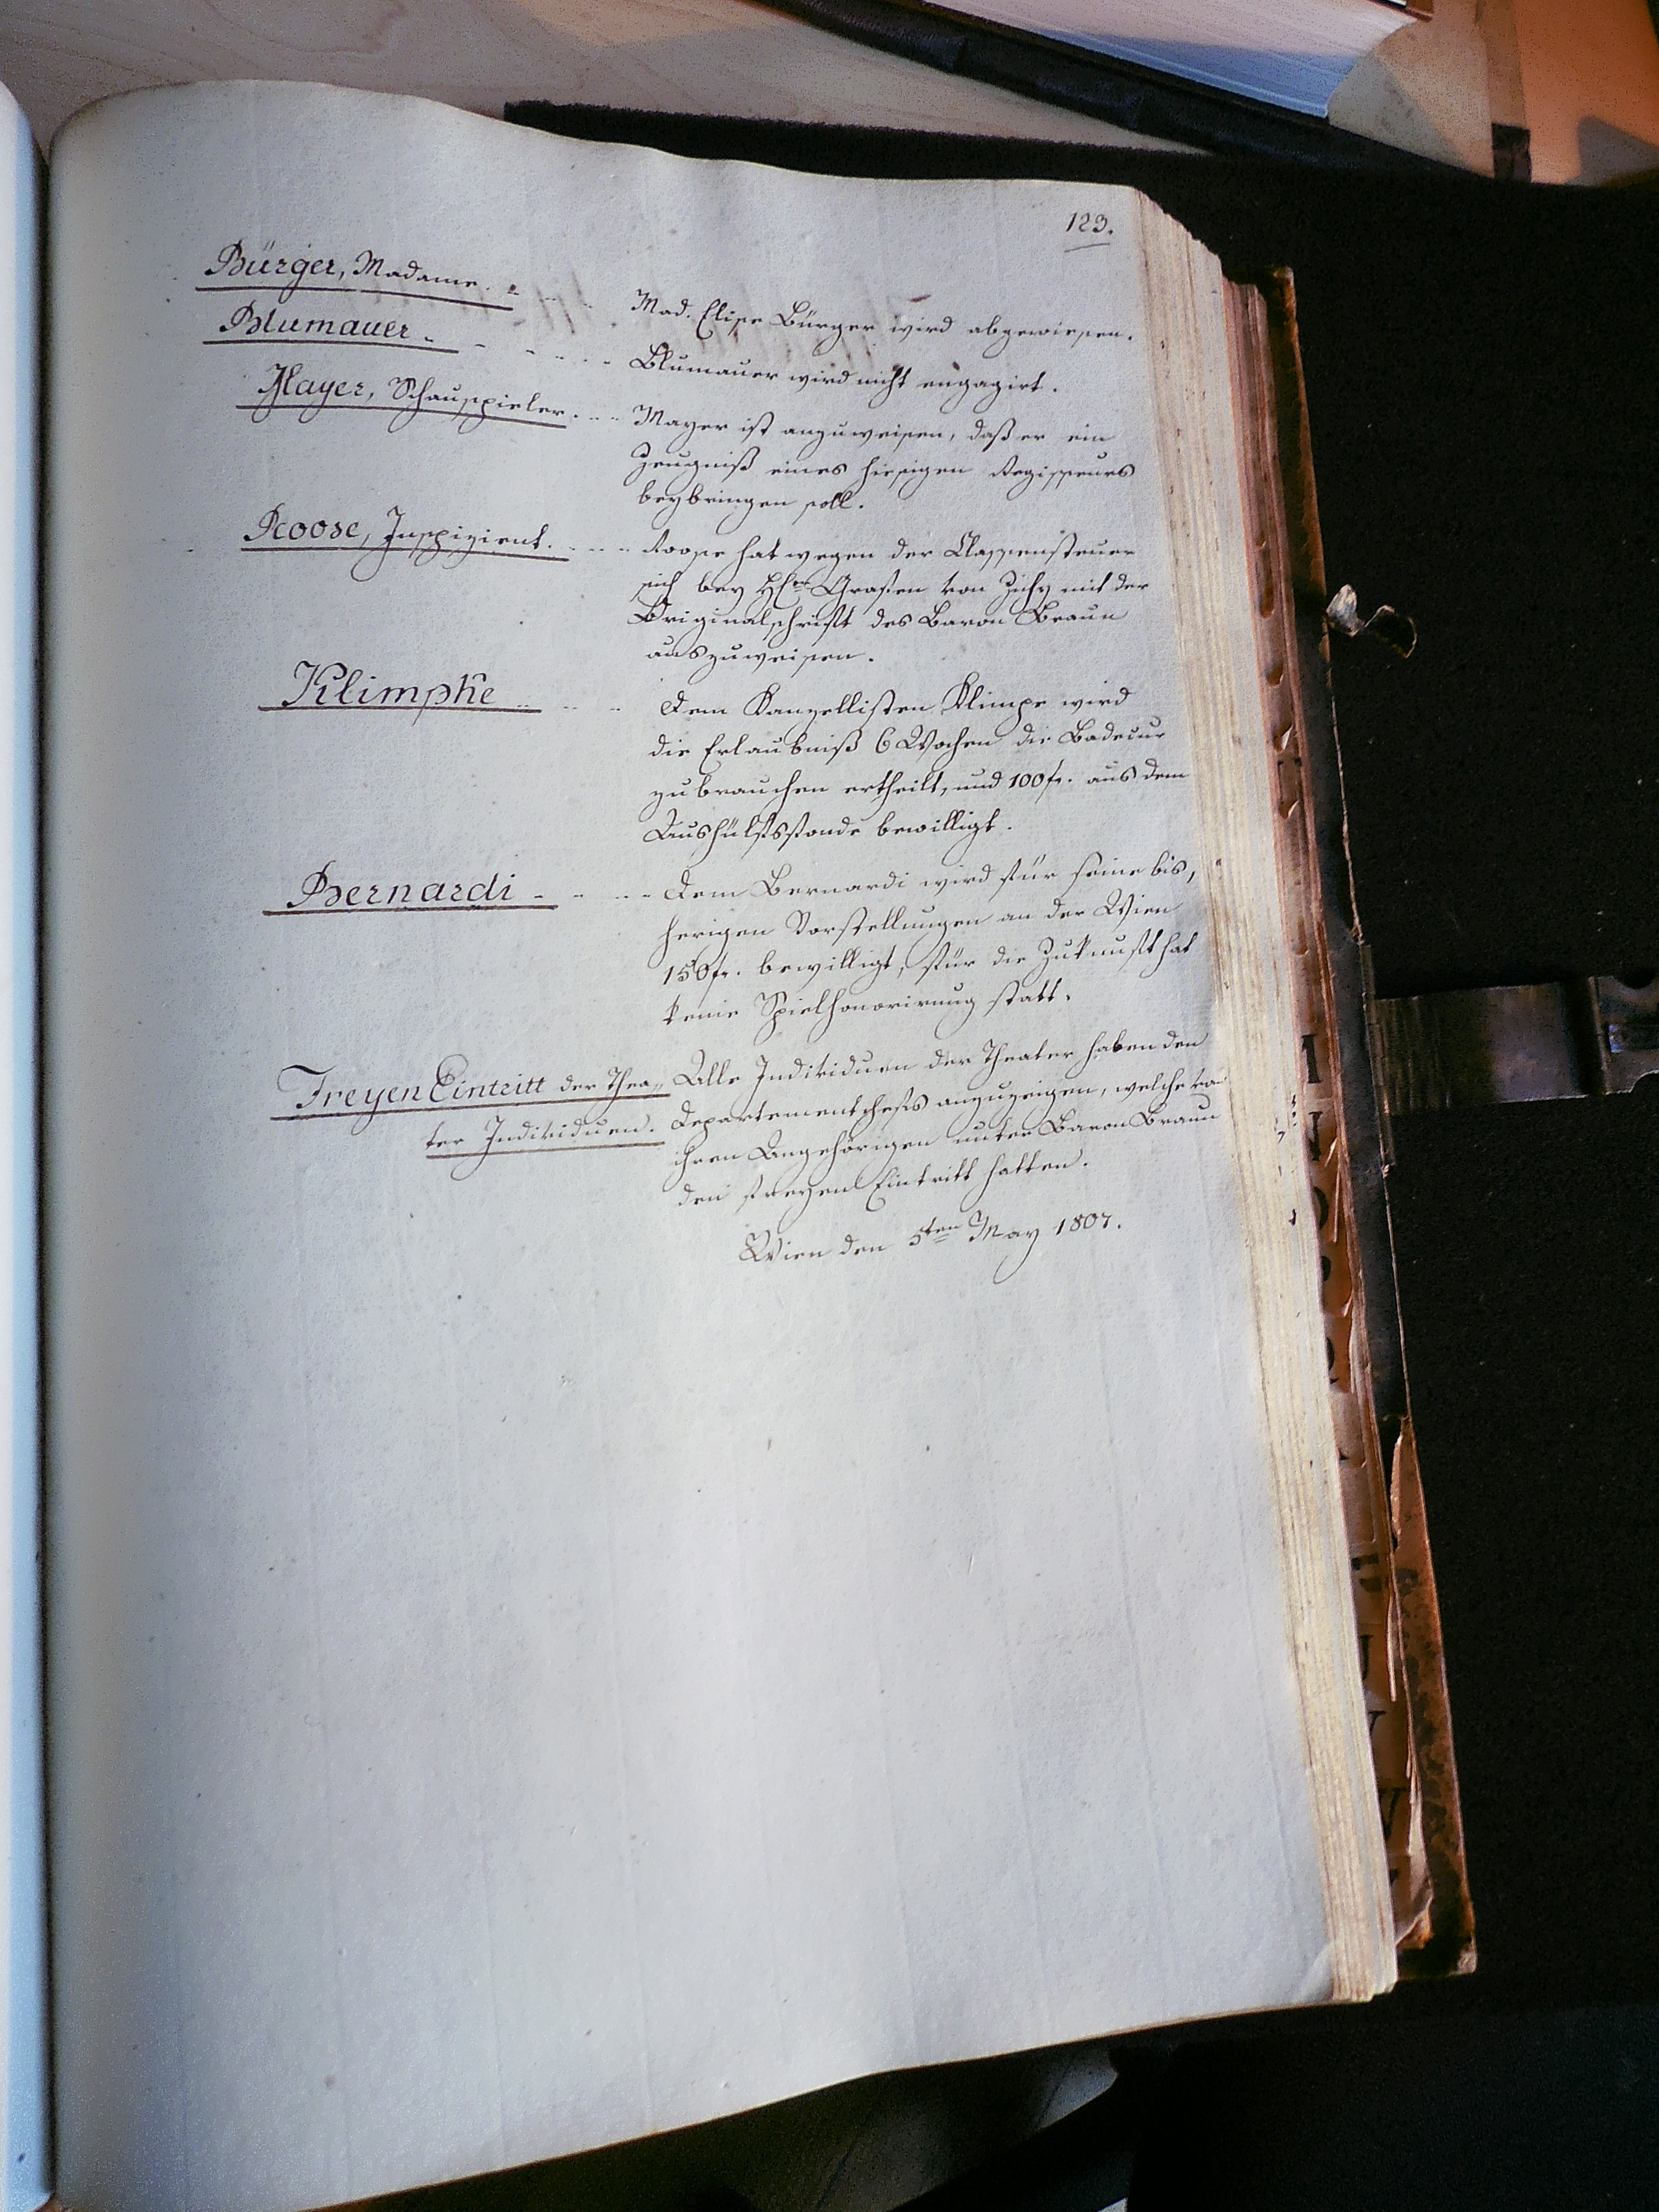123.
Bürger, Madame. .. .. .. Mad. Elise Bürger wird abgewiesen.
Blumauer .. .. .. .. . .. Blumauer wird nicht engagirt.
Mayer, Schauspieler. .. .. Mayer ist anzuweisen, daß er ein
Zeugniß eines hiesigen Regisseurs
beybringen soll.
Roose, Inspizient. . .. .. Roose hat wegen der Classensteuer
sich bey HEe͇r Grafen von Zichy mit der
Originalschrift des Baron Braun
auszuweisen.
Klimpke .. .. .. Dem Kanzellisten Klimpe wird
die Erlaubniß 6 Wochen die Badecur
zu brauchen ertheilt, und 100fr. aus dem
Aushülfsfonde bewilligt.
Bernardi .. .. .. .. Dem Bernardi wird für seine bis¬
herigen Vorstellungen an der Wien
150fr. bewilligt, für die Zukunft hat
keine Spielhonorirung statt.
Freyen Eintritt der Thea¬
ter Individuen.
Alle Individuen der Theater haben den
Departementchefs auzuzeigen, welche von
ihren Angehörigen unter Baron Braun
den freyen Eintritt hatten.
Wien den 5te͇n May 1807.